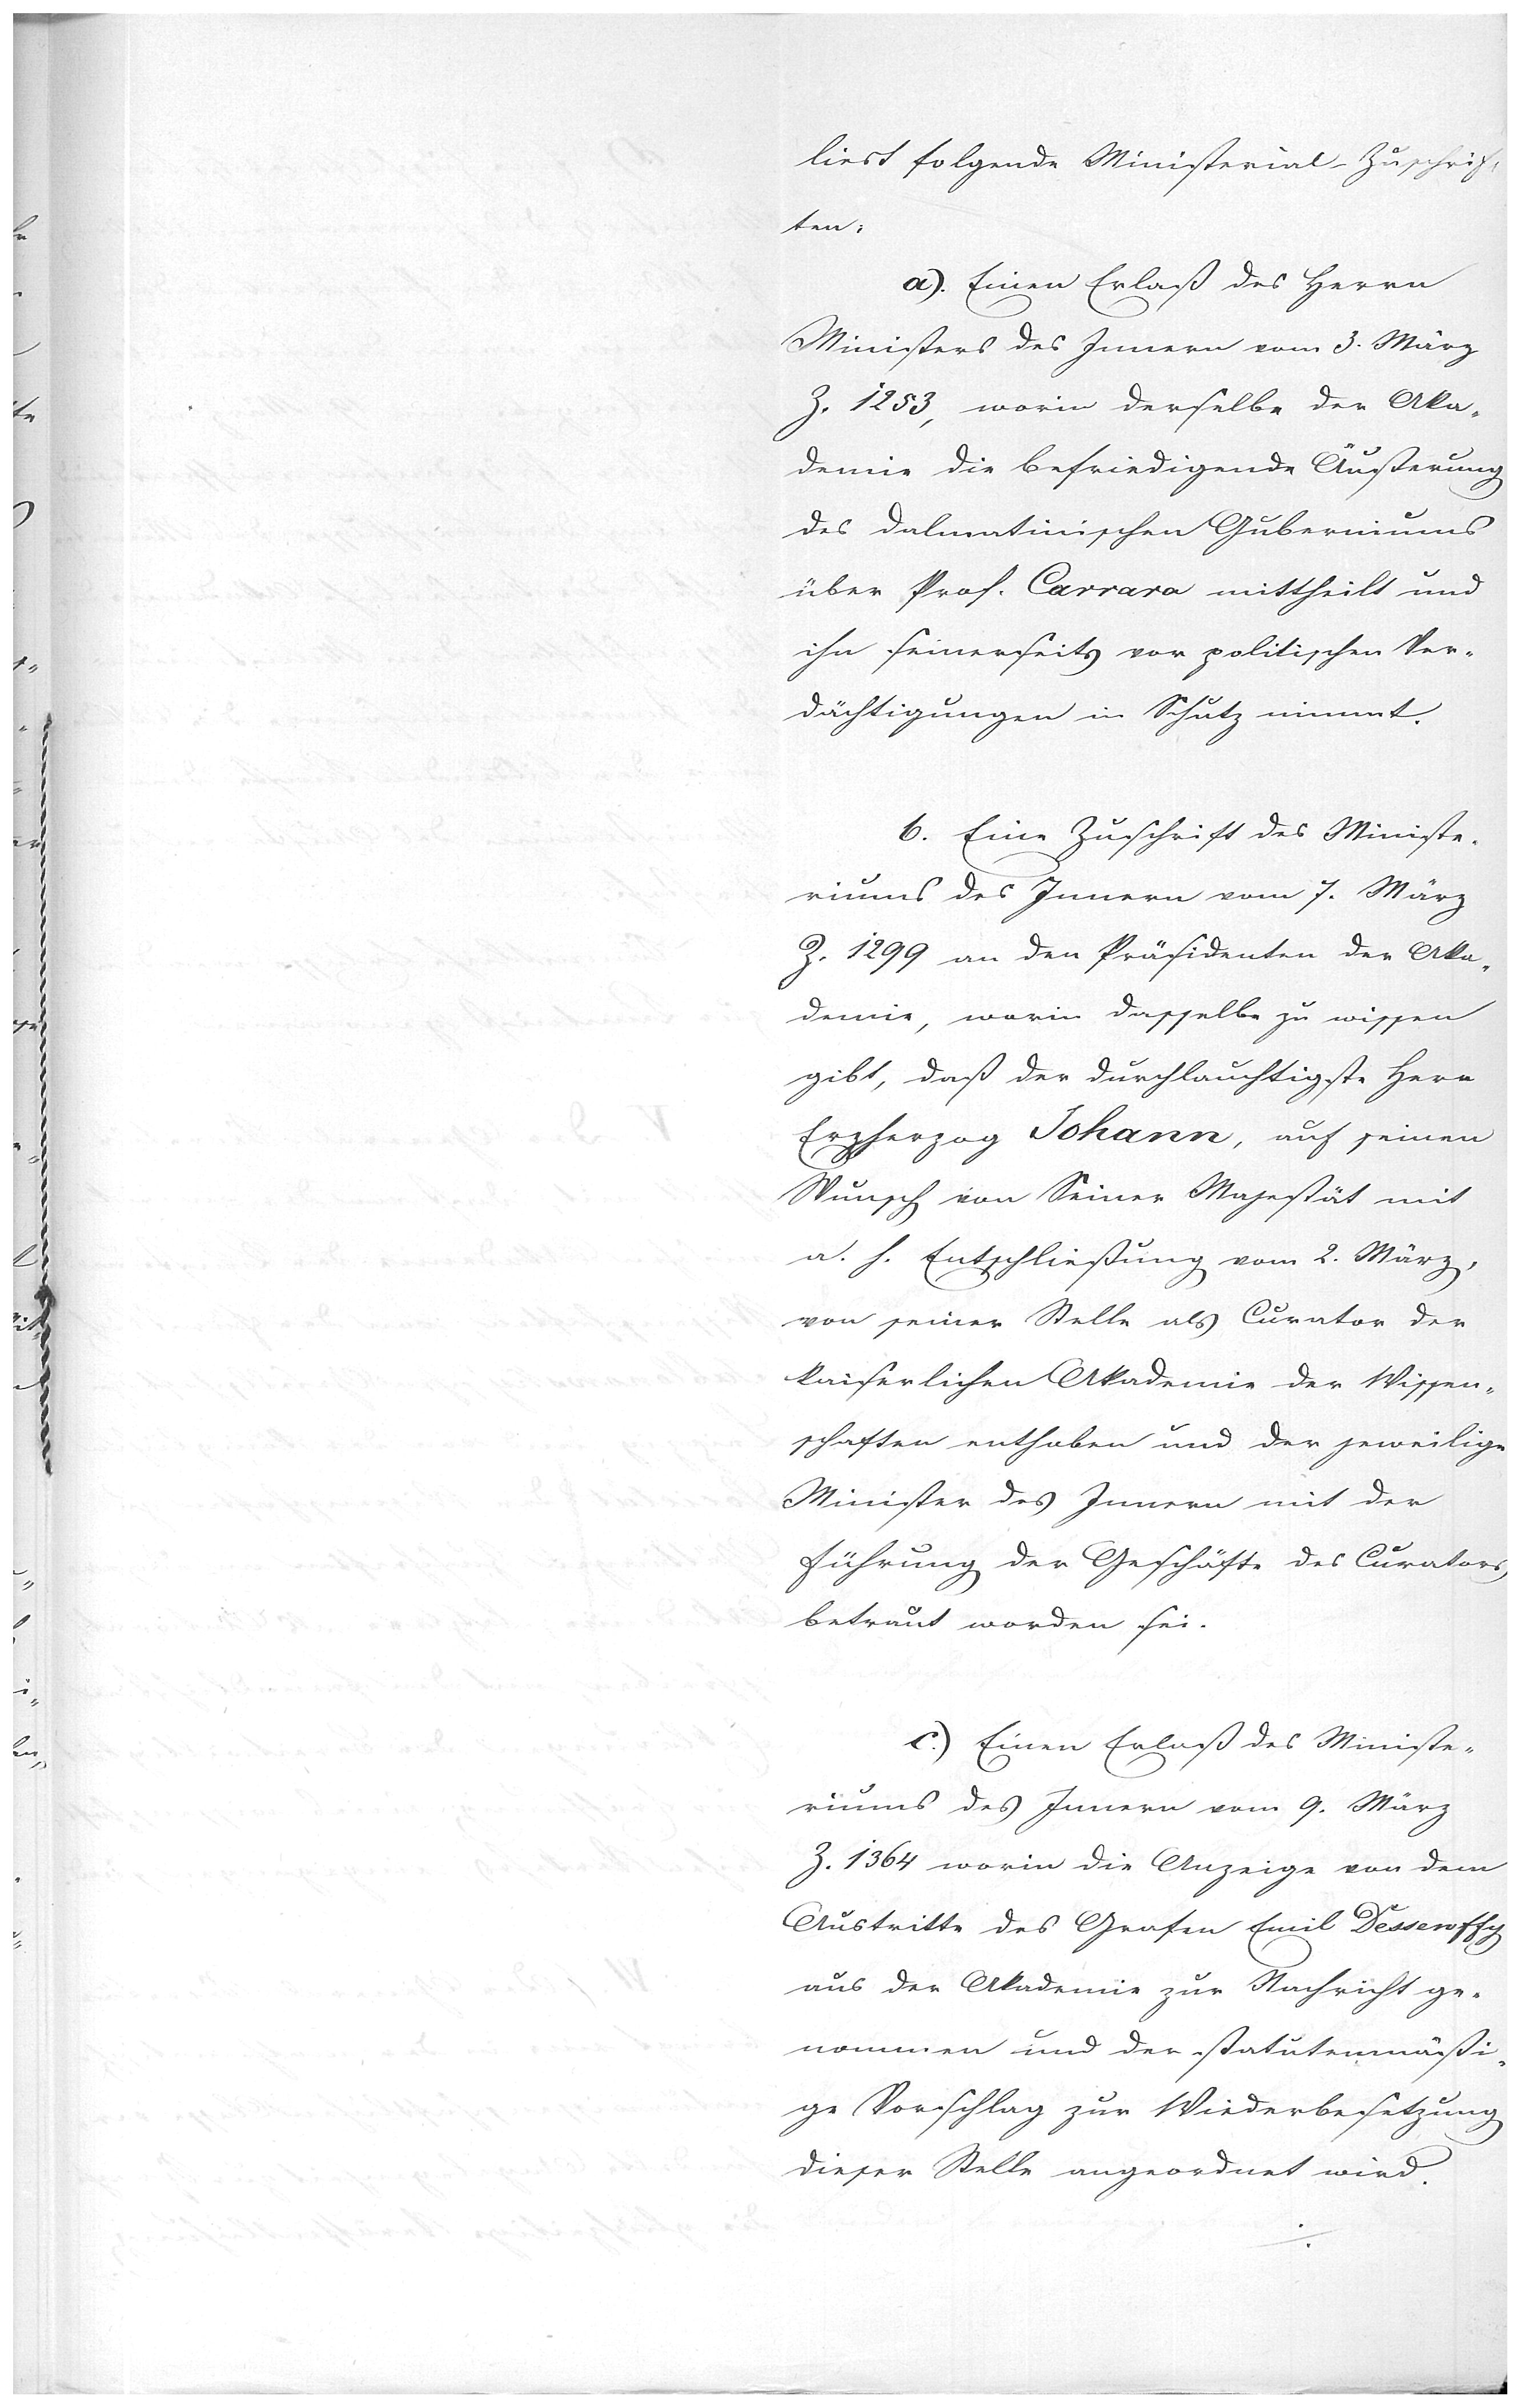liest folgende Ministerial-Zuschrif-
ten:
a) Einen Erlaß des Herrn
Ministers des Innern vom 3. März
Z. 1253, worin derselbe der Aka-
demie die befriedigende Äußerung
des dalmatinischen Guberiums
über Prof. Carrara mittheilt und
ihn seinerseits vor politischen Ver-
dächtigungen in Schutz nimmt.
b. Eine Zuschrift des Ministe-
riums des Innern vom 7. März
Z. 1299 an den Präsidenten der Aka-
demie, worin dasselbe zu wissen
gibt, daß der durchlauchtigste Herr
Erzherzog Johann, auf seinen
Wunsch von Seiner Majestät mit
a.h. Entschließung vom 2. März
von seiner Stelle als Curator der
kaiserlichen Akademie der Wissen-
schaften enthoben und der jeweilige
Minister des Innern mit der
Führung der Geschäfte des Curators,
betraut worden sei.
c) Einen Erlaß des Ministe-
riums des Innern vom 9. März
Z. 1364 worin die Anzeige von dem
Austritte des Grafen Emil Dessewffy
aus der Akademie zur Nachricht ge-
nommen und der statutenmäßi-
ge Vorschlag zur Wiederbesetzung
dieser Stelle angeordnet wird